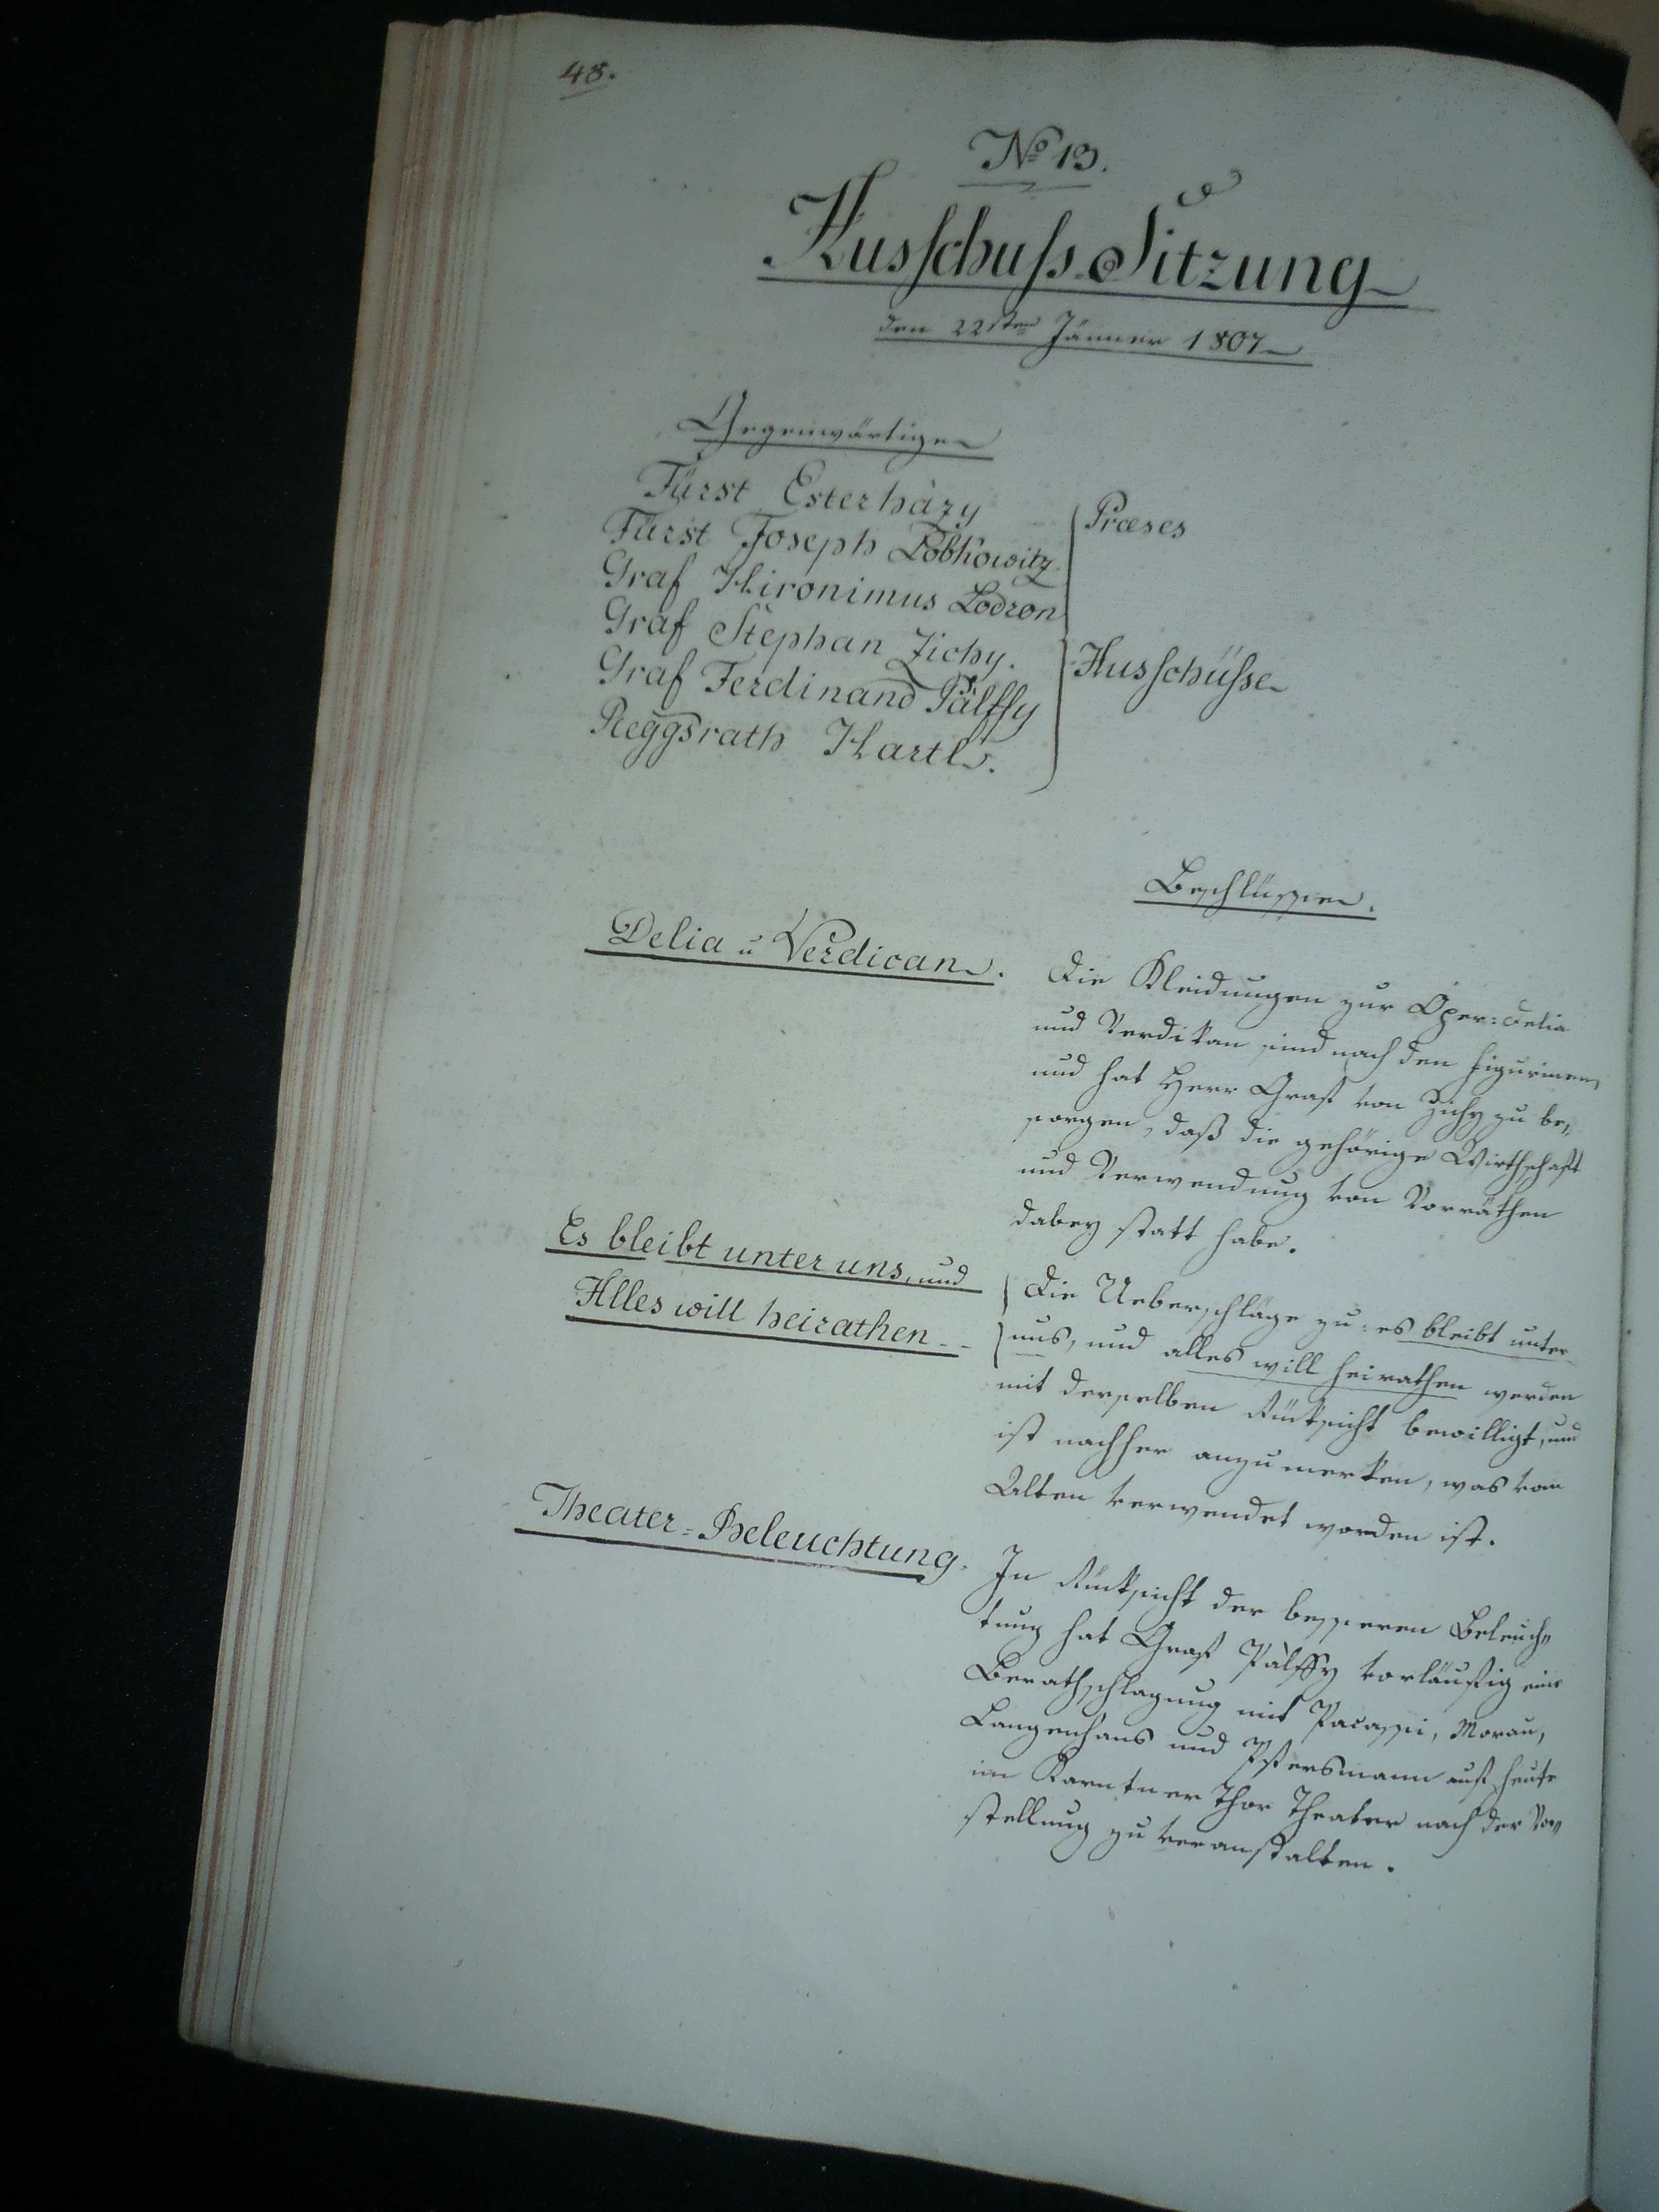48.
No͇ 13.
Ausschuss‗Sitzung
den 22ste͇n Jänner 1807.
Gegenwärtige
Fürst Esterhàzy Præses
Fürst Joseph Lobkowitz.
Graf Hironimus Lodron
Graf Stephan Zichy.
Graf Ferdinand Pàlffy
Reg͞gsrath Hartl.
Ausschüsse
Beschlüsse.
Delia u Verdican. Die Kleidungen zur Oper: Delia
und Verdikan sind nach den Figurinem
und hat Herr Graf von Zichy zu be¬
sorgen, daß die gehörige Wirtschaft
und Verwendung von Vorräthen
dabey statt habe.
Es bleibt unter uns, und
Alles will heirathen ..
Die Ueberschläge zu : es bleibt unter
uns, und alles will heirathen werden
mit derselben Rücksicht bewilligt, und
ist nachher anzumerken, was vom
Alten verwendet worden ist.
Theater‗Beleuchtung. In Rücksicht der besseren Beleuch¬
tung hat Graf Pàlffy vorläufig eine
Berathschlagung mit Pacassi, Morau,
Langenhans und Pfersmann auf heute
im Karntner Thor Theater nach der Vor¬
stellung zu veranstalten.